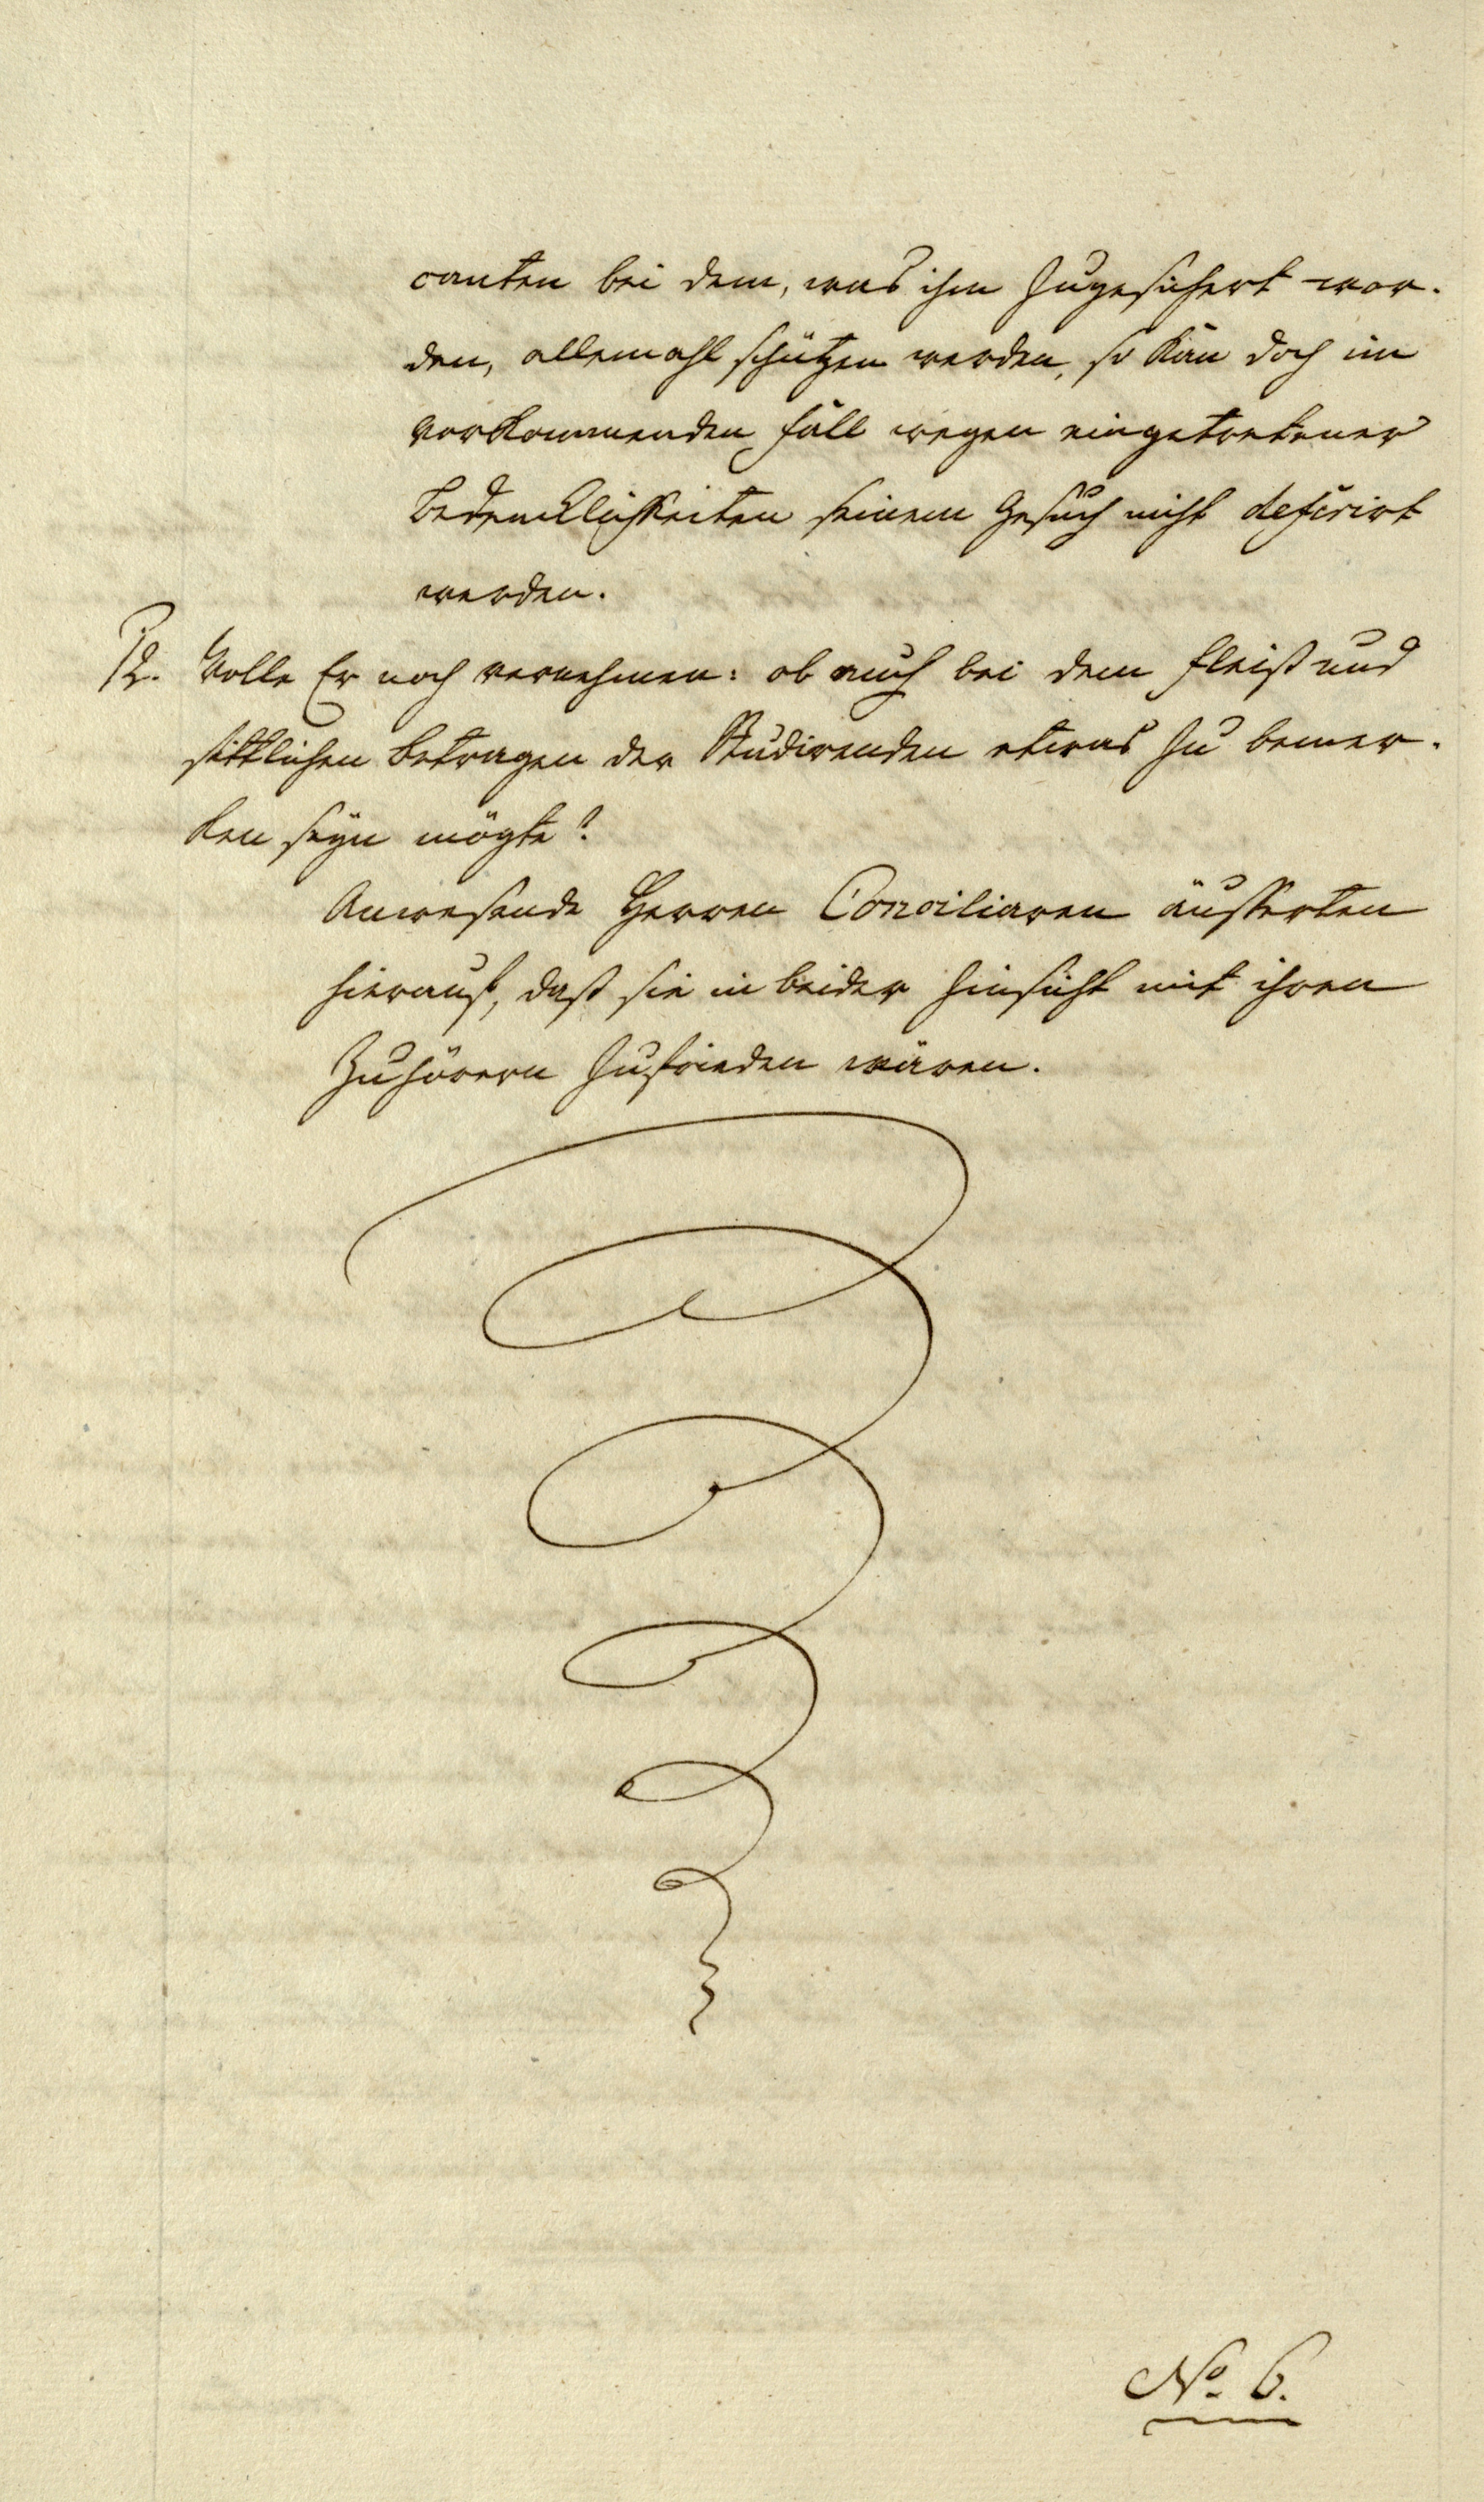canten bei dem, was ihm zugesichert wor¬
den, allemahl schützen werden, so kan doch im
vorkommenden Fall wegen eingetretener
Bedencklichkeiten seinem Gesuch nicht deferirt
werden.
12. Wolle Er noch vernehmen: ob auch bei dem Fleiß und
sittlichen Betragen der Studirenden etwas zu bemer¬
ken seÿn mögte?
Anwesende Herren Conciliaren äusserten
hierauf, daß sie in beider hinsicht mit ihren
Zuhörern zufrieden wären.
Nº 6.